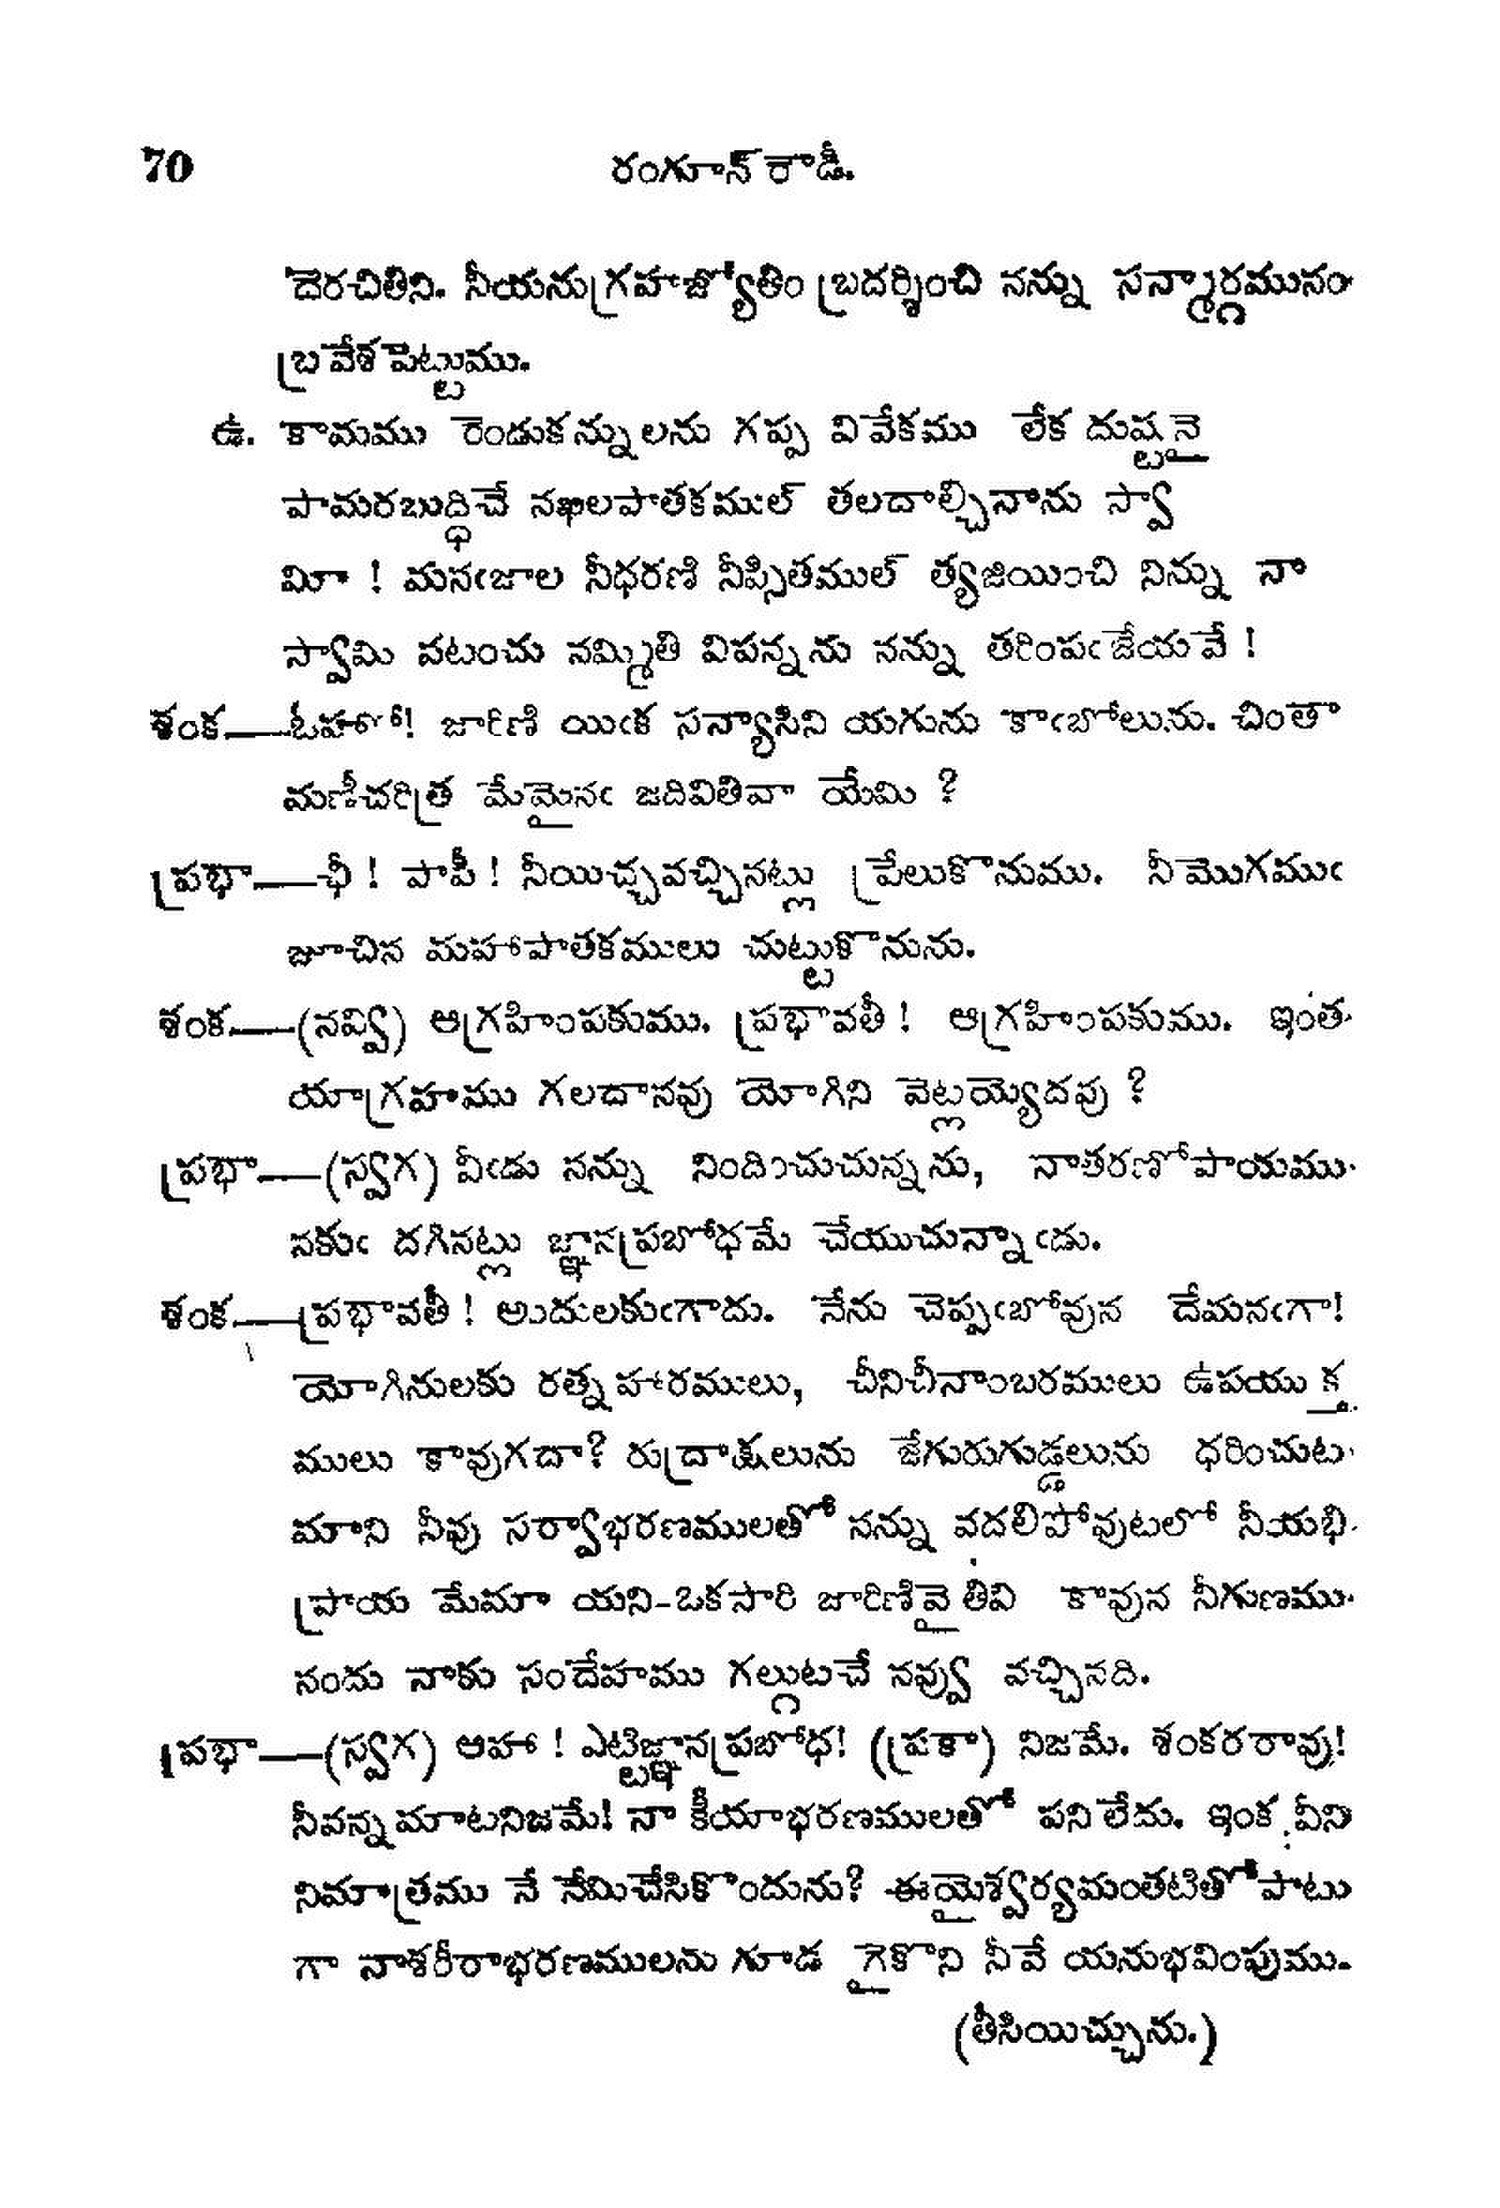దెరచితిని. నీయనుగ్రహాజ్యోతింబ్రదర్శించి నన్ను సన్మార్గమునం బ్రవేశపెట్టుము.

ఉ. కామము రెండుకన్నులను గప్ప వివేకము లేక దుష్టనై
 పామరబుద్ధిచే నఖిలపాతకముల్ తలదాల్చినాను స్వా
 మీ ! మనఁజాల నీధరణి నీప్సితముల్ త్యజియించి నిన్ను నా
 స్వామి వటంచు నమ్మితి విపన్నను నన్ను తరింపఁ జేయవే !
శంక - ఓహో ! జారిణి యిఁక సన్యాసిని యగును కాఁబోలును. చింతామణీచరిత్ర మేమైనఁ జదివితివా యేమి ?

ప్రభా - ఛీ ! పాపీ ! నీయిచ్చవచ్చినట్లు ప్రేలుకొనుము. నీ మొగముఁజూచిన మహాపాతకములు చుట్టుకొనును.

శంక - (నవ్వి) ఆగ్రహింపకుము. ప్రభావతీ ! ఆగ్రహింపకుము. ఇంత యాగ్రహము గలదానవు యోగిని వెట్లయ్యెదవు ?

ప్రభా -- (స్వగ) వీఁడు నన్ను నిందించుచున్నను, నాతరణోపాయమునకుఁ దగినట్లు జ్ఞానప్రబోధమే చేయుచున్నాఁడు.

శంక - ప్రభావతీ ! అందులకుఁగాదు. నేను చెప్పఁబోవున దేమనఁగా! యోగినులకు రత్నహారములు, చీనిచీనాంబరములు ఉపయుక్తములు కావుగదా? రుద్రాక్షలును జేగురుగుడ్డలును ధరించుట మాని నీవు సర్వాభరణములతో నన్ను వదలిపోవుటలో నీయభిప్రాయ మేమా యని - ఒకసారి జారిణివైతివి కావున నీగుణము నందు నాకు సందేహము గల్గుటచే నవ్వు వచ్చినది.

ప్రభా -- (స్వగ) ఆహా ! ఎట్టిజ్ఞానప్రబోధ! ( ప్రకా ) నిజమే. శంకరరావు! నీవన్నమాటనిజమే! నా కీయాభరణములతో పనిలేదు. ఇంక వీనినిమాత్రము నే నేమిచేసికొందును? ఈయైశ్వర్యమంతటితో పాటుగా నాశరీరాభరణములను గూడ గైకొని నీవే యనుభవింపుము.